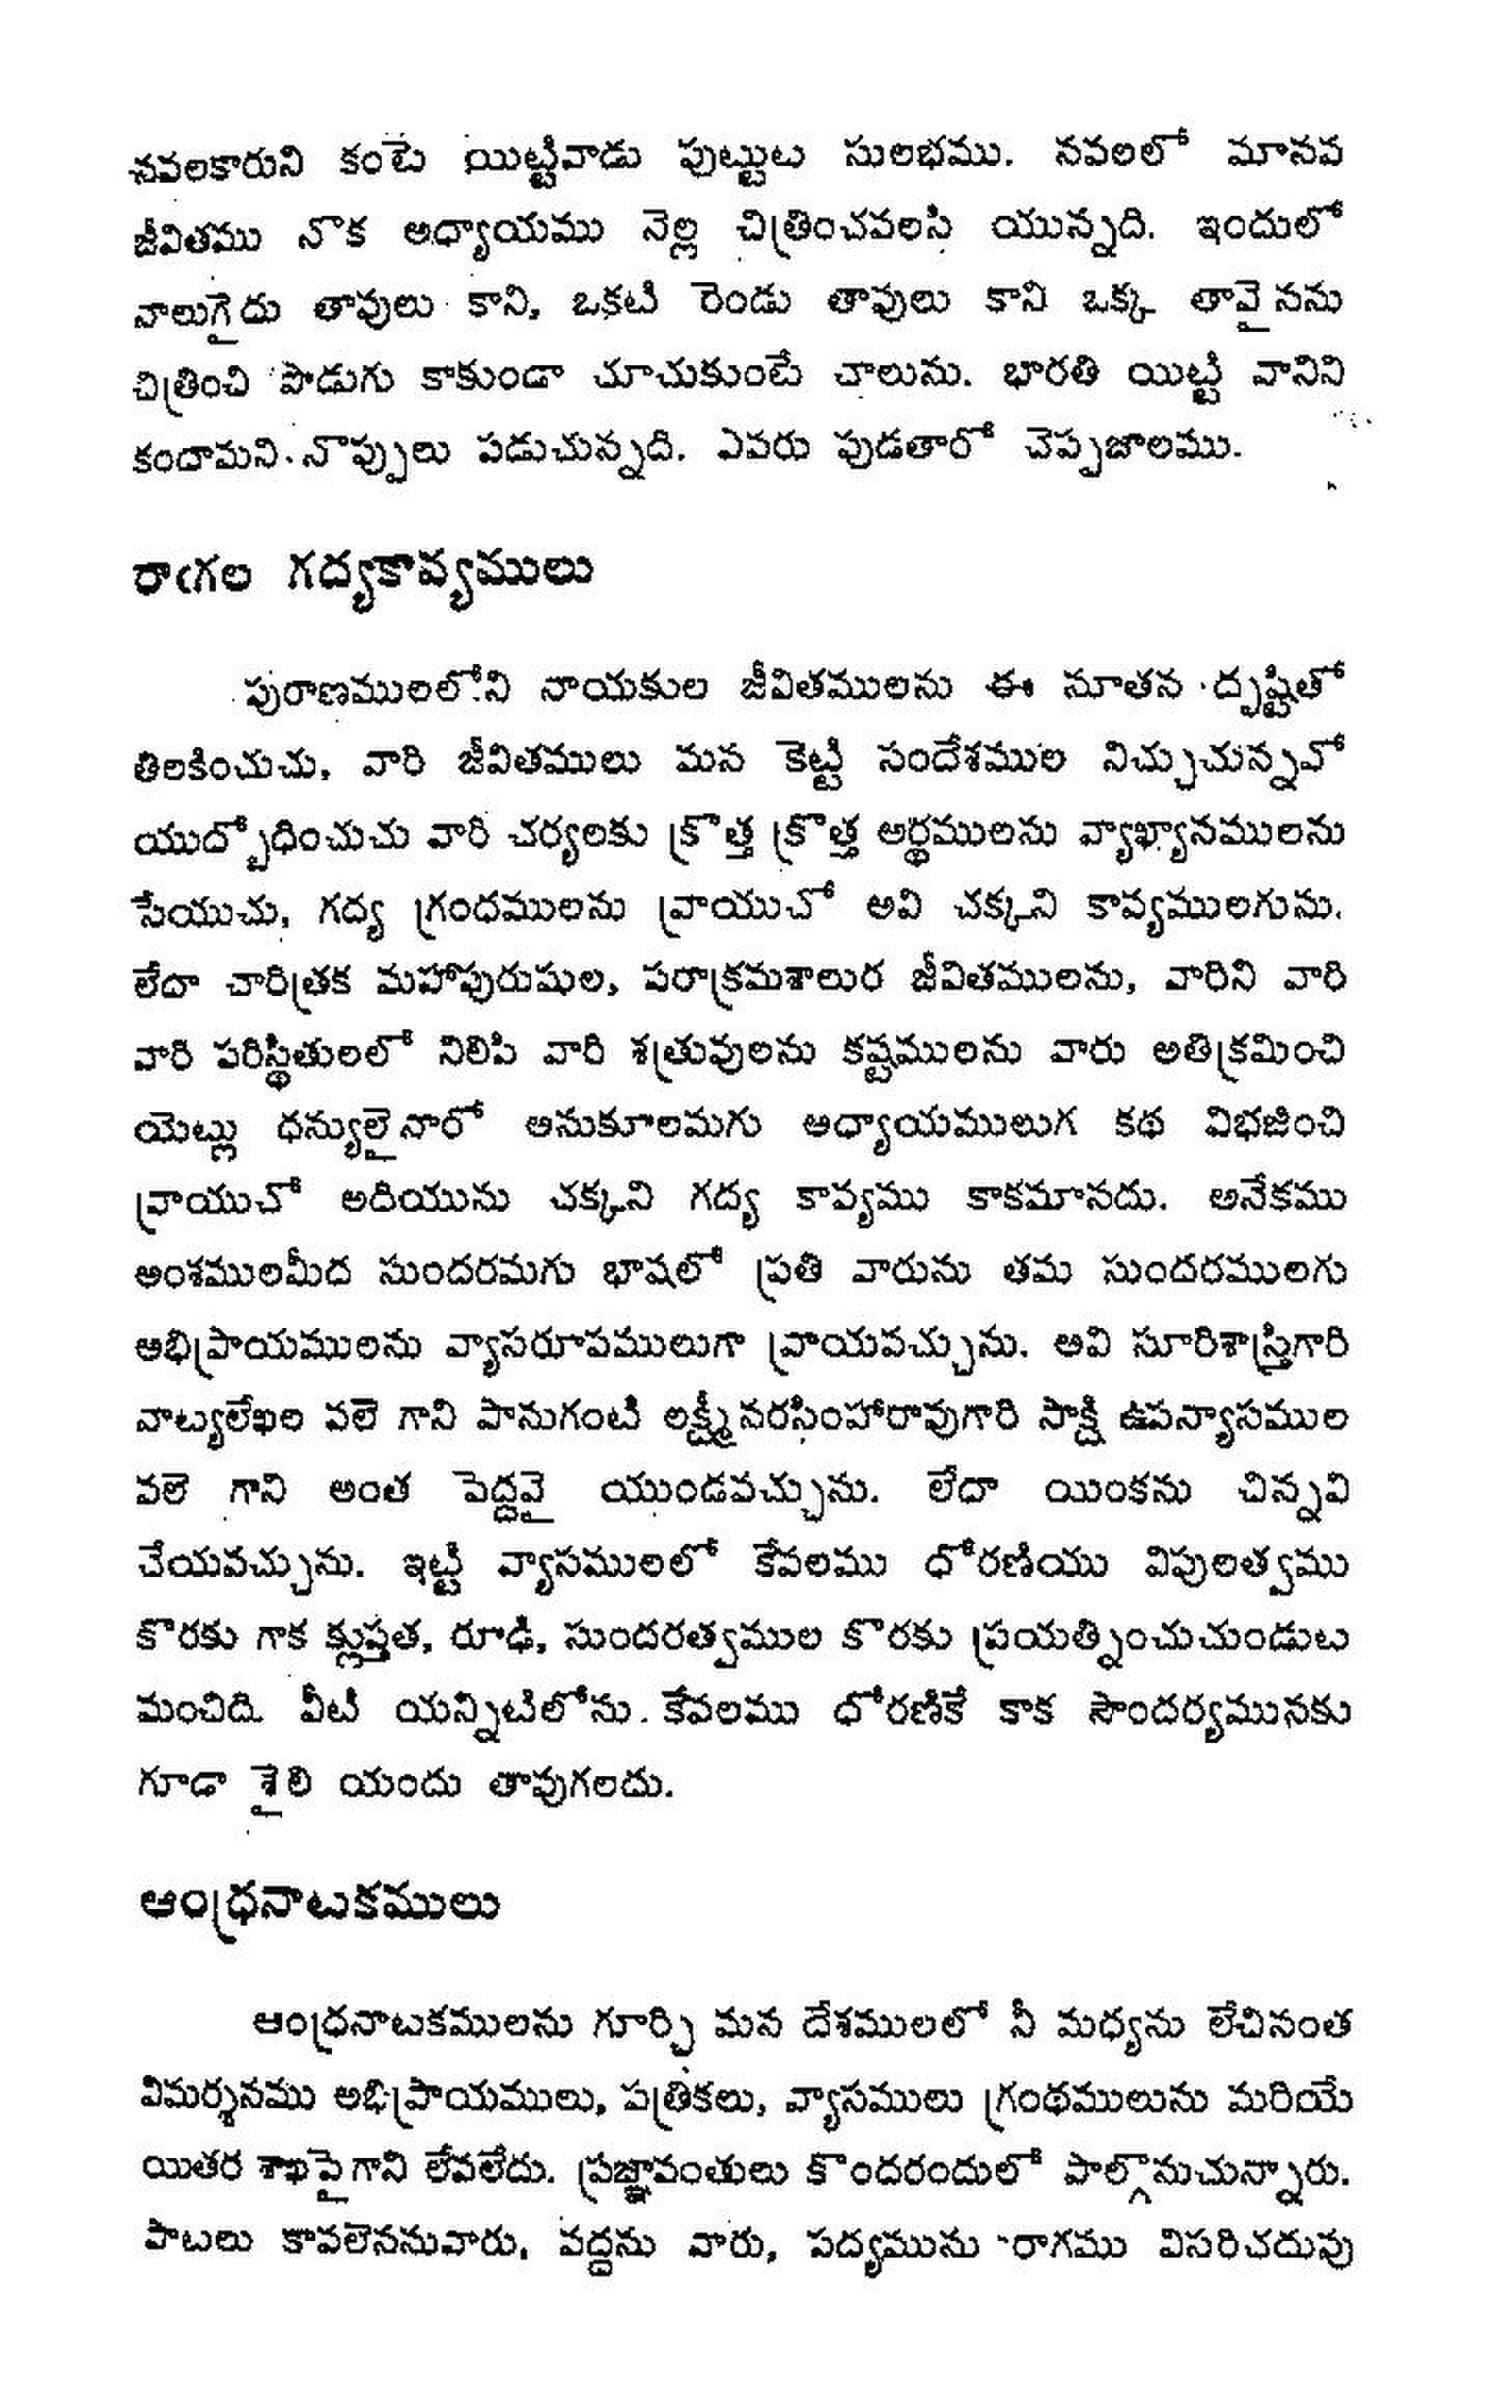నవలకారుని కంటె యిట్టివాడు పుట్టుట సులభము. నవలలో మానవ జీవితము నొక అద్ధ్యాయము నెల్ల చిత్రించవలసి యున్నది. ఇందులో నాలుగైదు తావులు కాని, ఒకటి రెండు తావులు కాని ఒక్క తావైనను చిత్రించి పొడుగు కాకుండా చూచుకుంటే చాలును. భారతి యిట్టి వానిని కందామని నొప్పులు పడుచున్నది. ఎవరు పుడతారో చెప్పజాలము.

రాఁగల గద్యకావ్యములు

పురాణములలోని నాయకుల జీవితములను ఈ నూతన దృష్టితో తిలకించుచు, వారి జీవితములు మన కెట్టి సందేశముల నిచ్చుచున్నవో యుద్బోధించుచు వారి చర్యలకు క్రొత్త క్రొత్త అర్థములను వ్యాఖ్యానములను సేయుచు, గద్య గ్రంధములను వ్రాయుచో అవి చక్కని కావ్యములగును. లేదా చారిత్రక మహాపురుషుల, పరాక్రమశాలుర జీవితములను, వారిని వారి వారి పరిస్థితులలో నిలిపి వారి శత్రువులను కష్టములను వారు అతిక్రమించి యెట్లు ధన్యులైనారో అనుకూలమగు అధ్యాయములుగ కథ విభజించి వ్రాయుచో అదియును చక్కని గద్య కావ్యము కాకమానదు. అనేకము అంశములమీద సుందరమగు భాషలో ప్రతి వారును తమ సుందరములగు అభిప్రాయములను వ్యాసరూపుములుగా వ్రాయవచ్చును. అవి సూరిశాస్త్రిగారి నాట్యలేఖల వలె గాని పానుగంటి లక్ష్మీనరసింహారావుగారి సాక్షి ఉపన్యాసముల వలె గాని అంత పెద్దవై యుండవచ్చును. లేదా యింకను చిన్నవి చేయవచ్చును. ఇట్టి వ్యాసములలో కేవలము ధోరణియు విపులత్వము కొరకు గాక క్లుప్తత, రూఢి, సుందరత్వముల కొరకు ప్రయత్నించుచుండుట మంచిది. వీటి యన్నిటిలోను కేవలము ధోరణికే కాక సౌందర్యూమునకు గూడా శైలి యందు తావుగలదు.

ఆంధ్రనాటకములు

ఆంధ్రనాటకములను గూర్చి మన దేశములలో నీ మధ్యను లేచినంత విమర్శనము అభిప్రాయములు, పత్రికలు, వ్యాసములు గ్రంథములును మరియే యితర శాఖపైగాని లేవలేదు. ప్రజ్ఞావంతులు కొందరందులో పాల్గొనుచున్నారు. పాటలు కావలెననువారు, వద్దను వారు, పద్యమును రాగము విసరిచదువు